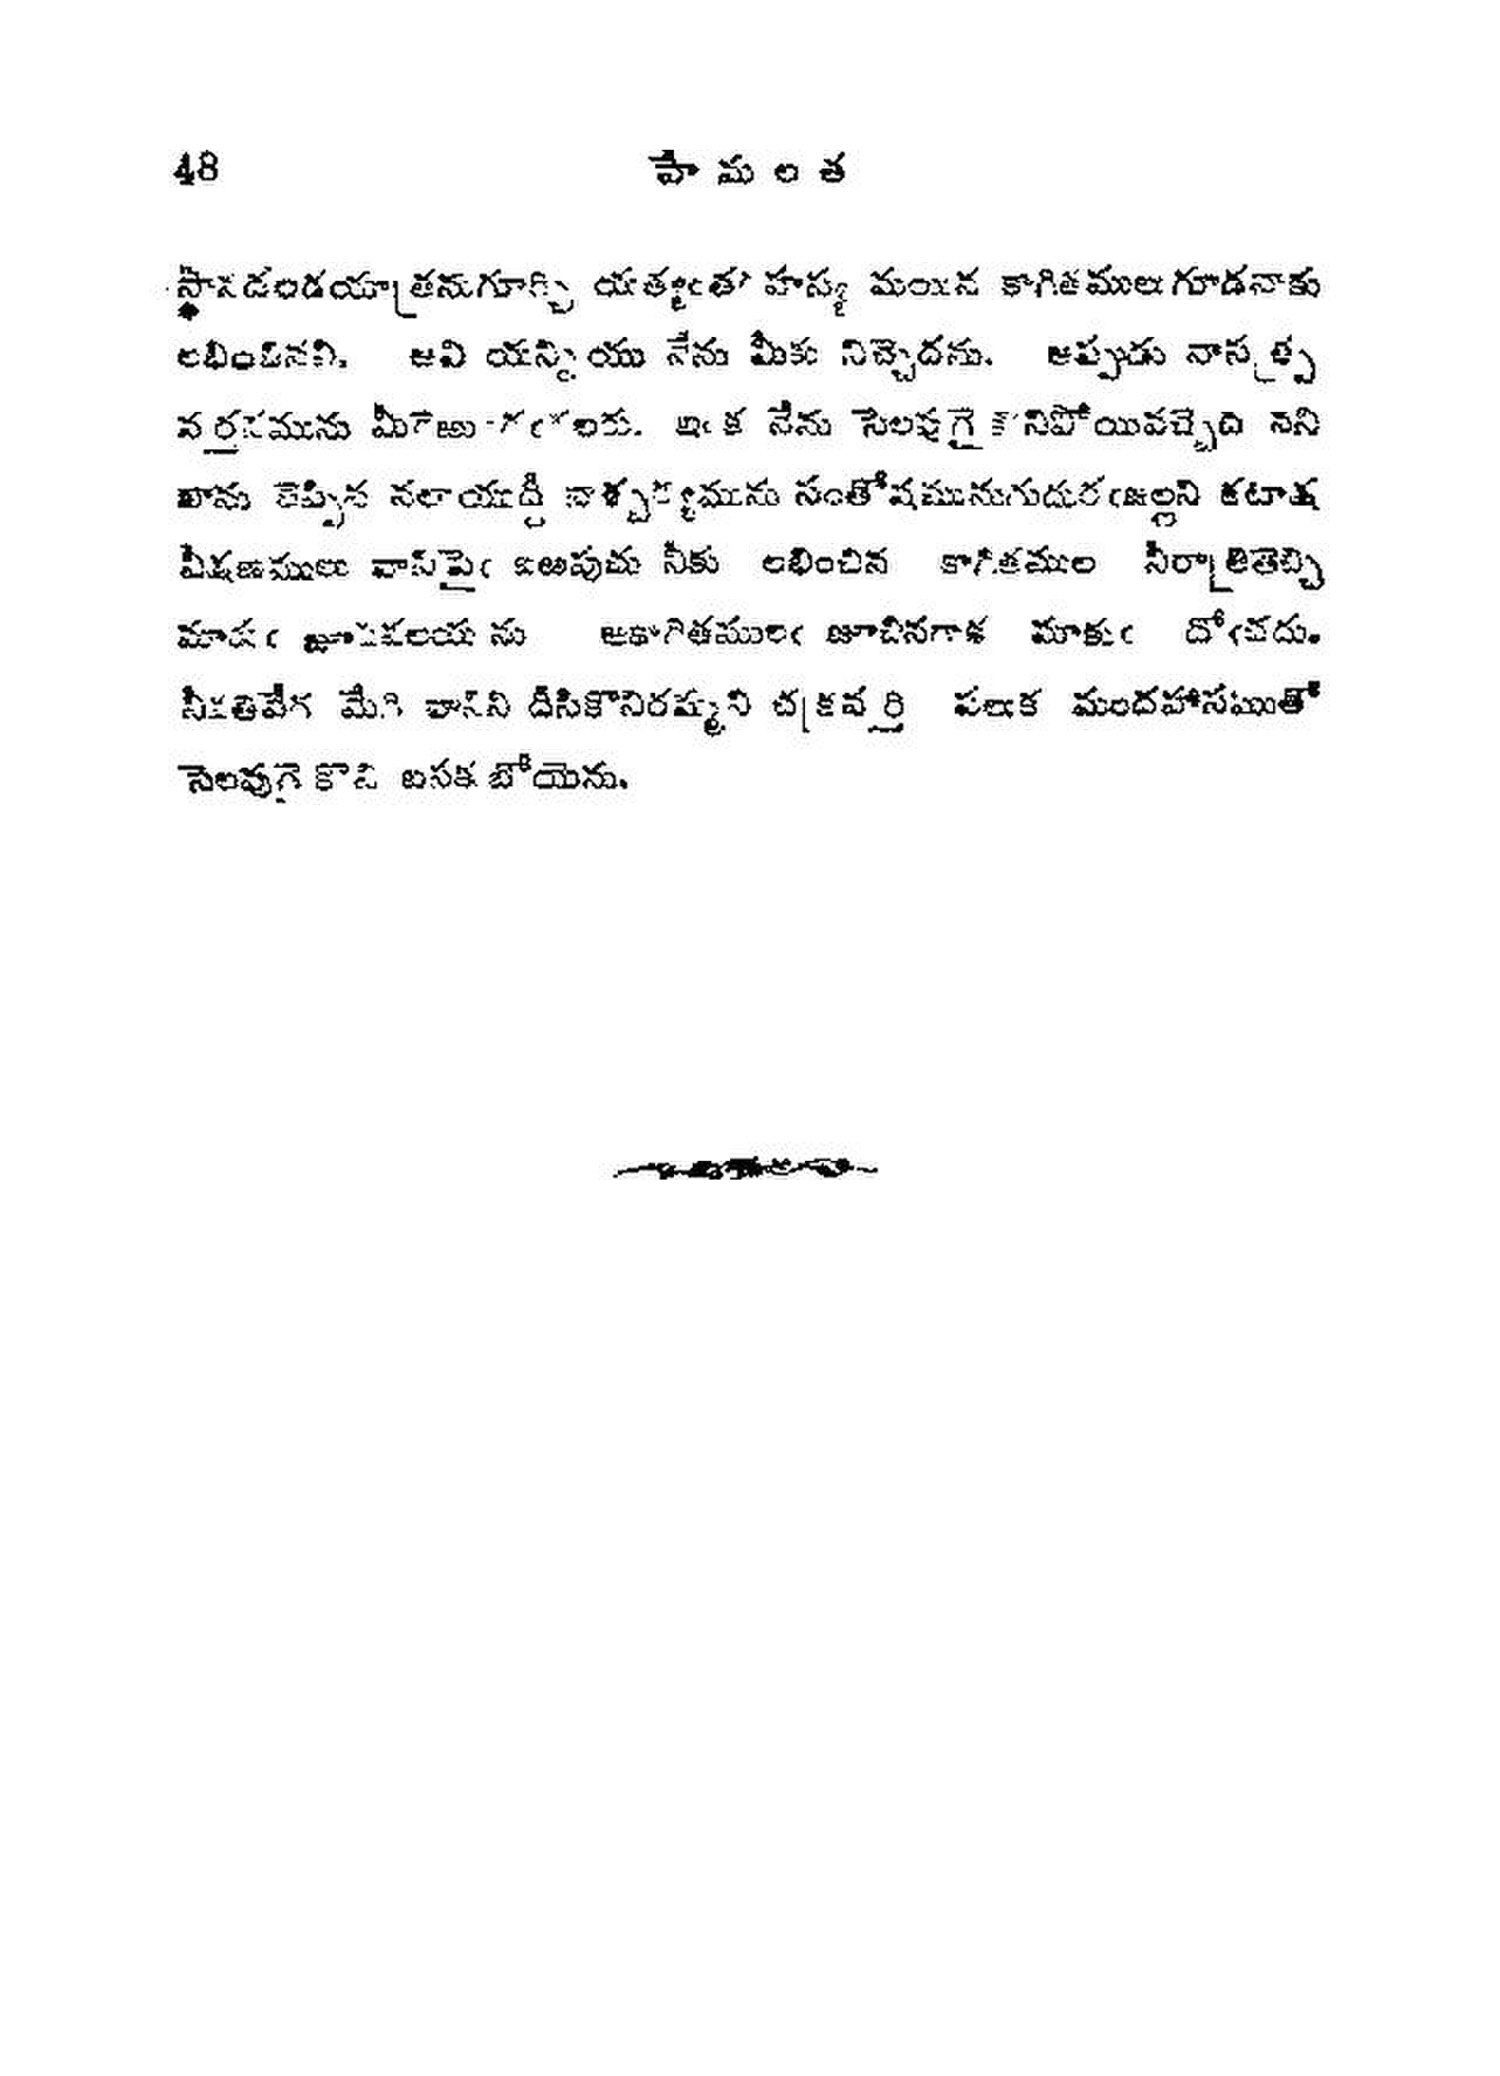స్థానదండయాత్రను గూర్చి యత్యంత రహస్య మయిన కాగితములు గూడనాకు లభించినవి. అవియన్నియు నేను మీకు నిచ్చెదను. అప్పుడు నాసత్ప్రవర్తనమును మీరెఱుఁగలరు. ఇక నేను సెలవుగైకొనిపోయివచ్చెద నని ఖాను చెప్పిన నలాయుద్దీ నాశ్చర్యమును సంతోషమునుగుదురఁజల్లని కటాక్ష వీక్షణములు వానిపైఁ బఱపుచు నీకు లభించిన కాగితముల నీరాత్రితెచ్చి మారుఁ జూపవలయును. ఆకాగితములఁ జూచినగాక మాకుఁ దోఁచదు. నీవతివేగ మేగి వానిని దీసికొనిరమ్మని చక్రవర్తి పలుక మందహాసముతో సెలవుగైకొని బసకు బోయెను.